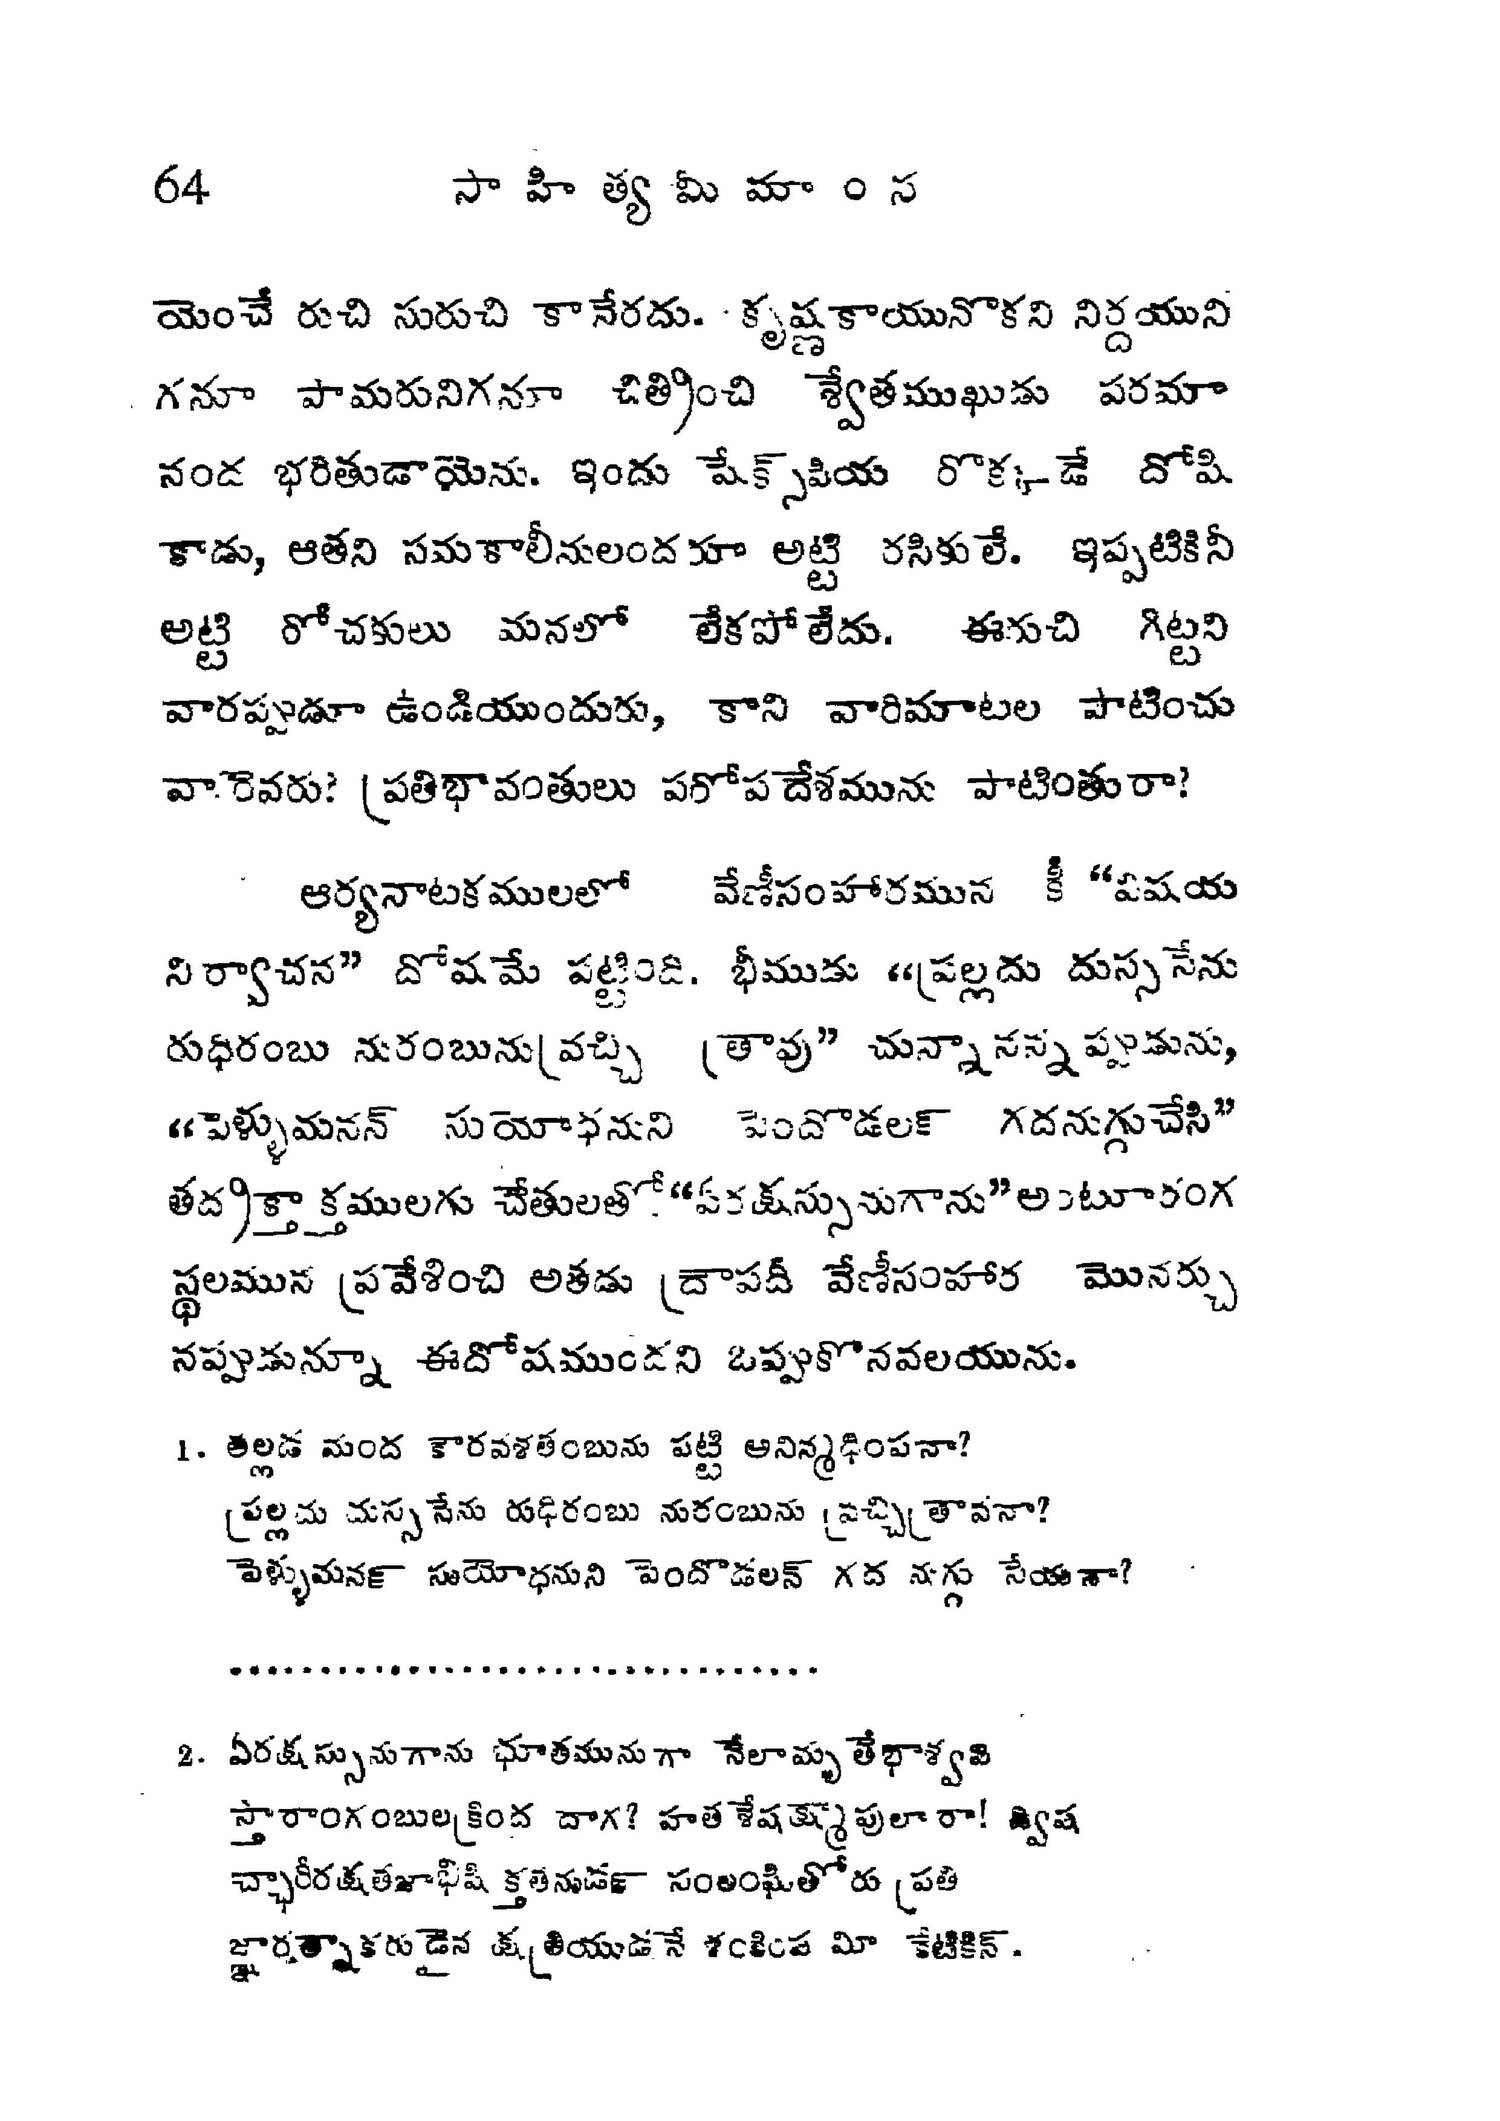యెంచే రుచి సురుచి కానేరదు. కృష్ణకాయునొకని నిర్దయునిగనూ పామరునిగనూ చిత్రించి శ్వేతముఖుడు పరమానంద భరితుడాయెను. ఇందు షేక్స్‌పియ రొక్కడే దోషి కాడు, ఆతని సమకాలీనులందరూ అట్టి రసికులే. ఇప్పటికినీ అట్టి రోచకులు మనలో లేకపోలేదు. ఈరుచి గిట్టని వారప్పుడూ ఉండియుందురు, కాని వారిమాటల పాటించు వారెవరు? ప్రతిభావంతులు పరోపదేశమును పాటింతురా?

ఆర్యనాటకములలో వేణీసంహారమున కీ "విషయ నిర్వాచన" దోషమే పట్టింది. భీముడు "ప్రల్లదు దుస్ససేను రుధిరంబు సురంబునువ్రచ్చి త్రావు" చున్నానన్నప్పుడును, "ప్రెళ్ళుమనన్ సుయోధనుని పెందొడలన్ గదనుగ్గుచేసి" తద్రక్తాక్తములగు చేతులతో "ఏరక్షస్సునుగాను" అంటూరంగ స్థలమున ప్రవేశించి అతడు ద్రౌపదీ వేణీసంహార మొనర్చునప్పుడున్నూ ఈదోషముందని ఒప్పుకొనవలయును.

 1. తల్లడ మంద కౌరవశతంబును పట్టి అనిన్మధింపనా?
 ప్రల్లచు దుస్ససేను రుధిరంబు నురంబును వ్రచ్చిత్రావనా?
 పెళ్ళుమనన్ సుయోధనుని పెందొడలన్ గద నుగ్గు సేయనా?
 ...........................................................................

 2. ఏరక్షస్సునుగాను భూతమునుగా నేలామృతేభాశ్వవి
 స్తారాంగంబులక్రింద దాగ? హతశేషక్ష్మాపులారా! ద్విష
 చ్ఛారీరక్షతజాభిషిక్తతనుడన్ సంలంఘితోరు ప్రతి
 జ్ఞారత్నాకరుడైన క్షత్రియుడనే శంకింప మీ కేటికిన్.